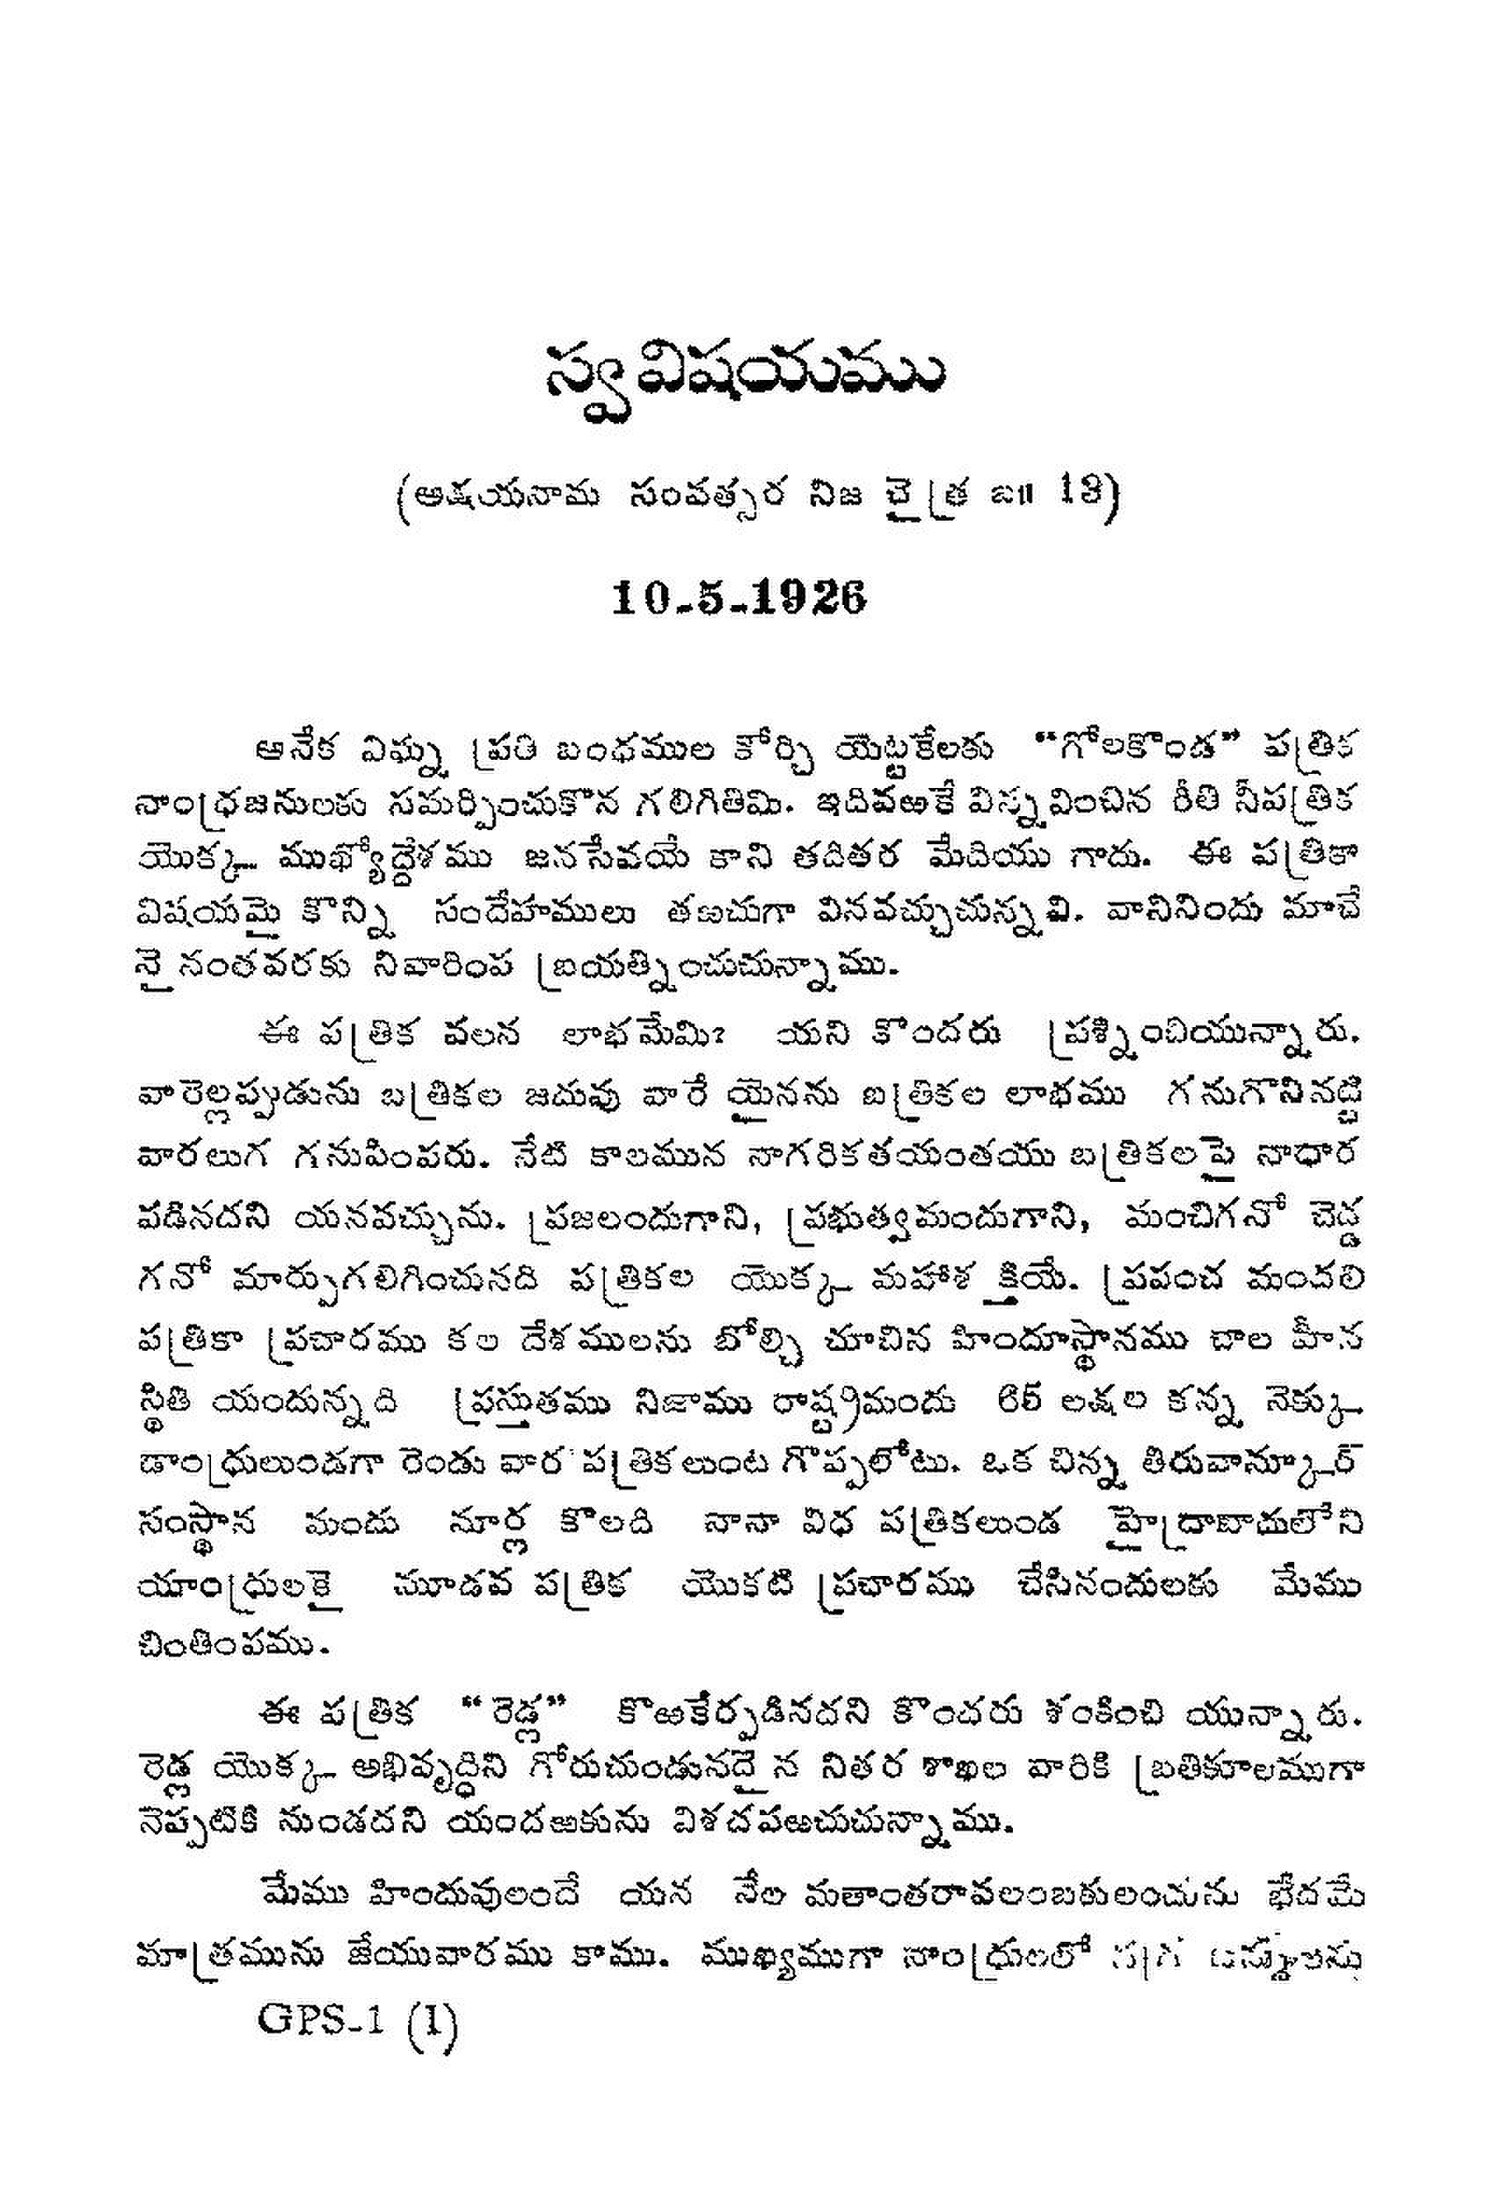స్వవిషయము

10 - 5 - 1926

అనేక విఘ్న ప్రతి బంధముల కోర్చి యెట్టకేలకు "గోలకొండ" పత్రిక నాంధ్రజనులకు సమర్పించుకొన గలిగితిమి. ఇదివఱకే విన్నవించిన రీతి నీపత్రిక యొక్క ముఖ్యోద్దేశము జనసేవయే కాని తదితర మేదియు గాదు. ఈ పత్రికా
విషయమై కొన్ని సందేహములు తఱచుగా వినవచ్చుచున్నవి. వానినిందు మాచే నైనంతవరకు నివారింప బ్రయత్నించుచున్నాము.

ఈ పత్రిక వలన లాభమేమి? యని కొందరు ప్రశ్నించియున్నారు. వారెల్లప్పుడును బత్రికల జదువు వారే యైనను బత్రికల లాభము గనుగొనినట్టి వారలుగ గనుపింపరు. నేటి కాలమున నాగరికతయంతయు బత్రికలపై నాధారపడినదని యనవచ్చును. ప్రజలందుగాని, ప్రభుత్వమందుగాని, మంచిగనో చెడ్డగనో మార్పుగలిగించునది పత్రికల యొక్క మహాశక్తియే. ప్రపంచ మందలి పత్రికా ప్రచారము కల దేశములను బోల్చి చూచిన హిందూస్థానము చాల హీనస్థితి యందున్నది ప్రస్తుతము నిజాము రాష్ట్రమందు 65 లక్షల కన్న నెక్కు డాంధ్రులుండగా రెండు వార పత్రిక లుంట గొప్పలోటు. ఒక చిన్న తిరువాన్కూర్ సంస్థాన మందు నూర్ల కొలది నానా విధ పత్రికలుండ హైద్రాబాదులోని యాంధ్రులకై మూడవ పత్రిక యొకటి ప్రచారము చేసినందులకు మేము చింతింపము.

ఈ పత్రిక "రెడ్ల” కొఱకేర్పడినదని కొందరు శంకించి యున్నారు. రెడ్ల యొక్క అభివృద్ధిని గోరుచుండునదైన నితర శాఖల వారికి బ్రతికూలముగా నెప్పటికి నుండదని యందఱకును విశదపఱచుచున్నాము.

మేము హిందువులందే యన నేల మతాంతరావలంబకులందును భేదమేమాత్రమును జేయువారము కాము. ముఖ్యముగా నాంధ్రులలో నగ్ర జనులను